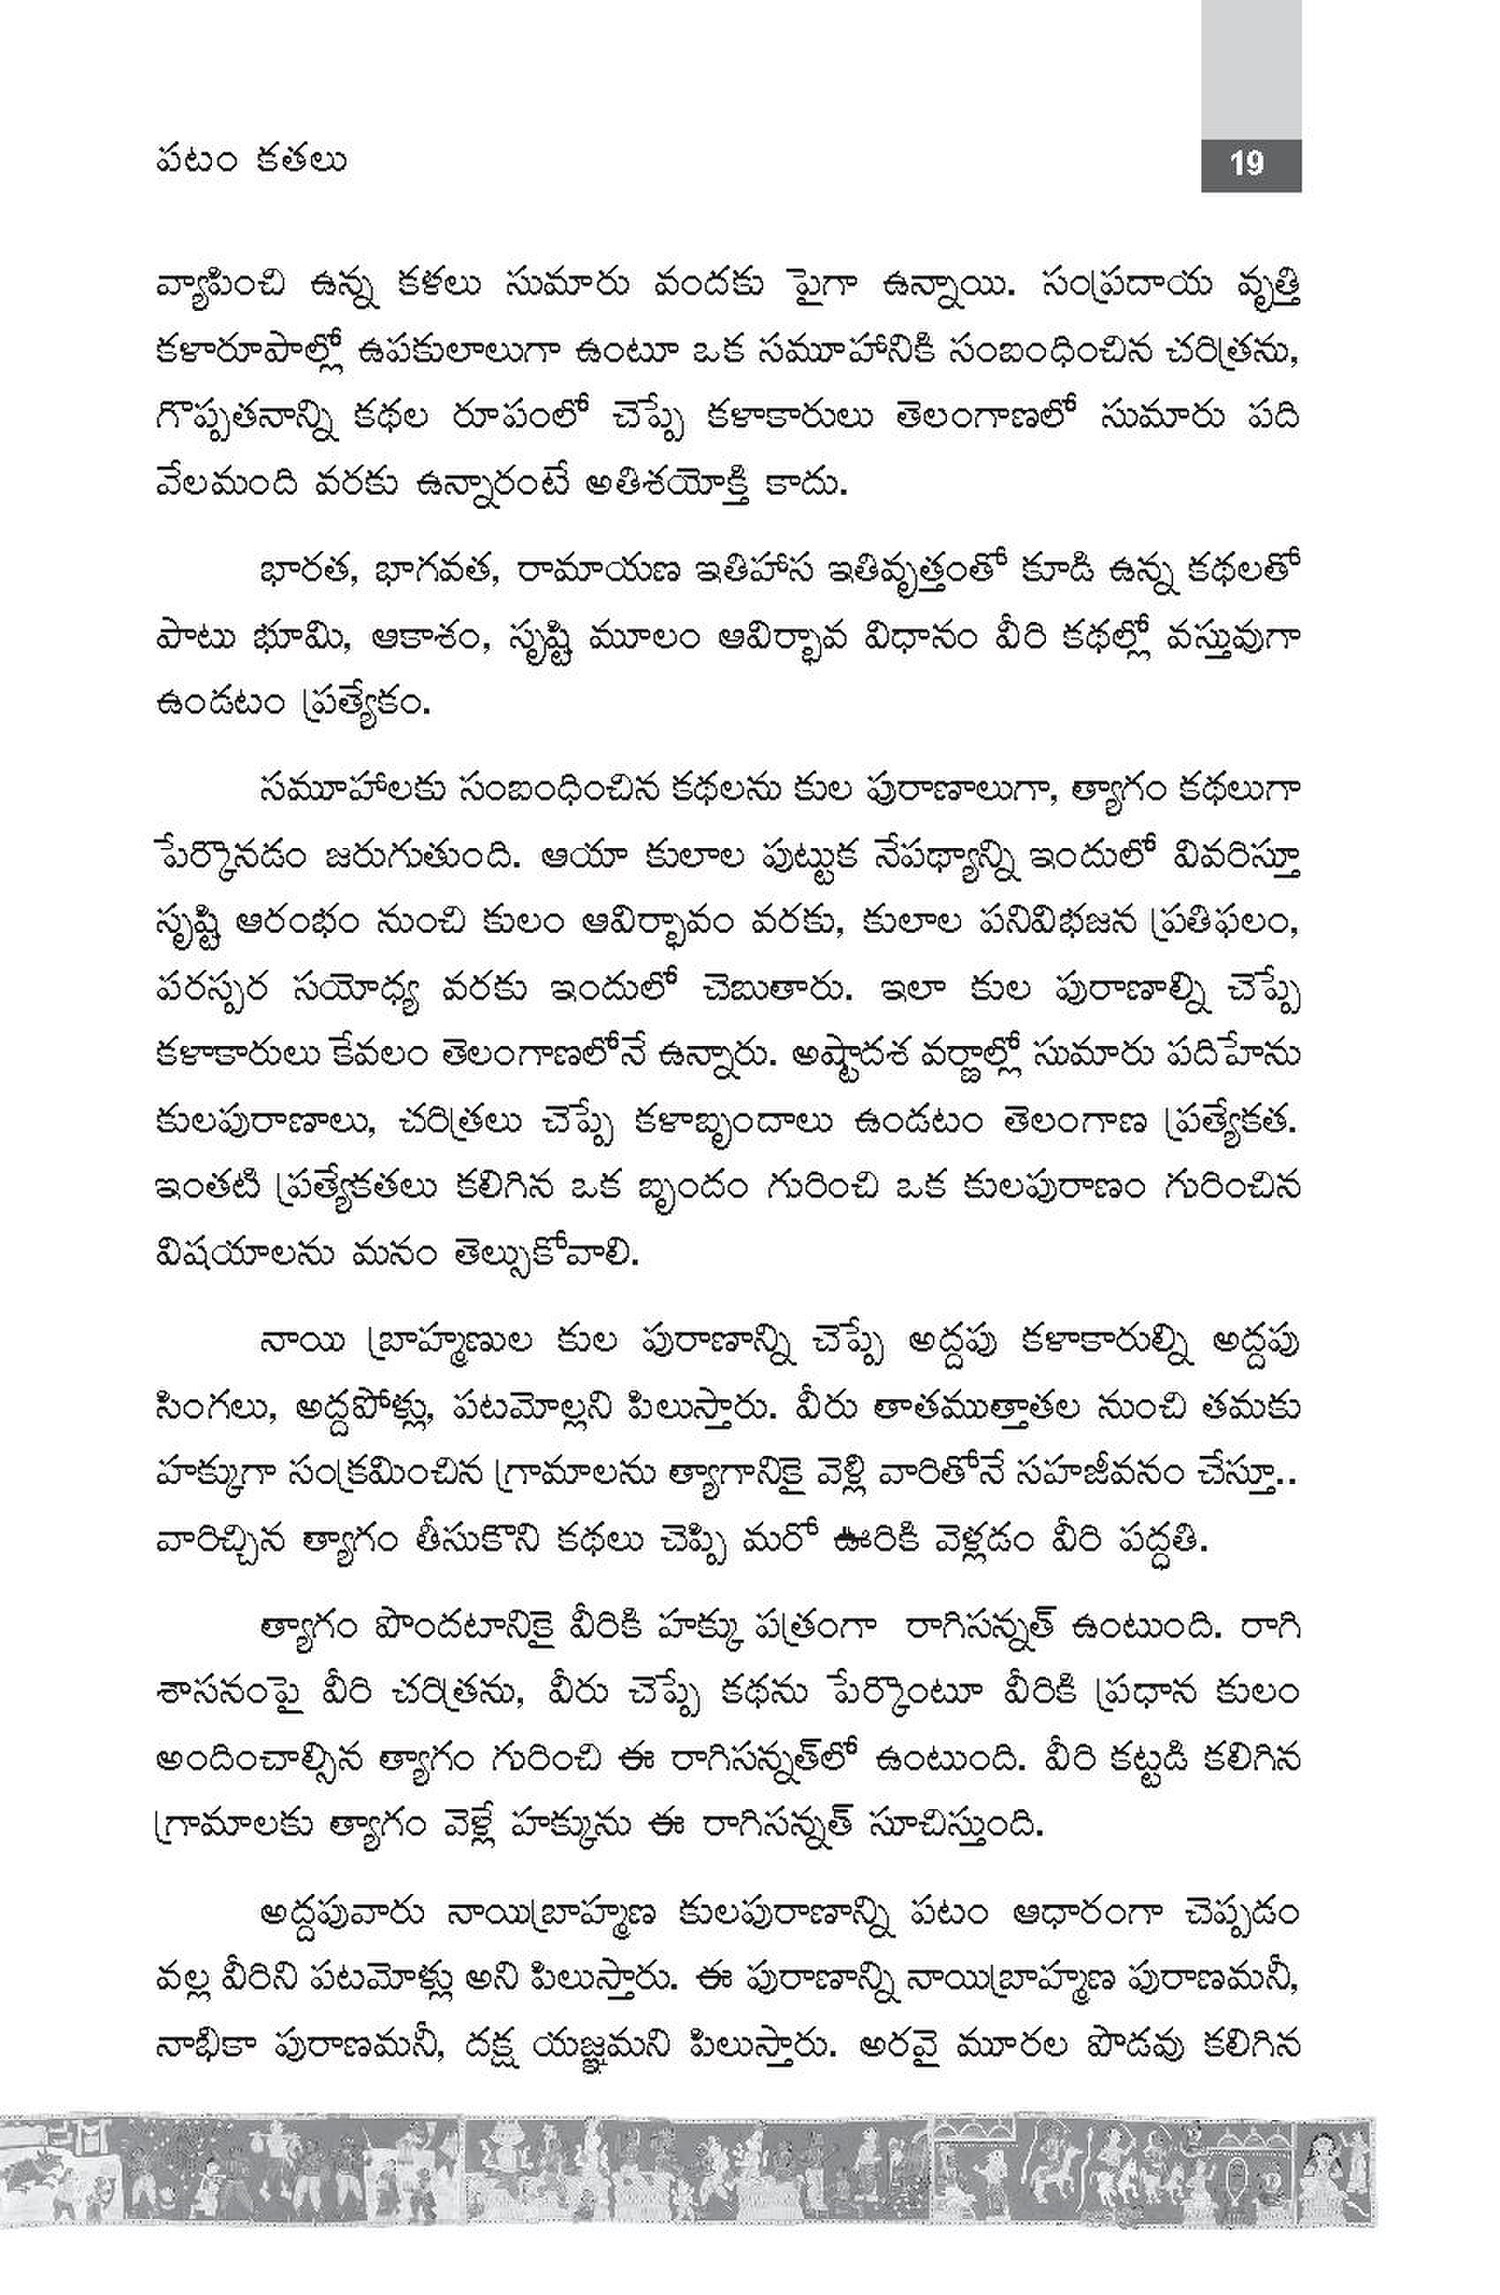వ్యాపించి ఉన్న కళలు సుమారు వందకు పైగా ఉన్నాయి. సంప్రదాయ వృత్తి కళారూపాల్లో ఉపకులాలుగా ఉంటూ ఒక సమూహానికి సంబంధించిన చరిత్రను, గొప్పతనాన్ని కథల రూపంలో చెప్పే కళాకారులు తెలంగాణలో సుమారు పది
వేలమంది వరకు ఉన్నారంటే అతిశయోక్తి కాదు.

భారత, భాగవత, రామాయణ ఇతిహాస ఇతివృత్తంతో కూడి ఉన్న కథలతో పాటు భూమి, ఆకాశం, సృష్టి మూలం ఆవిర్భావ విధానం వీరి కథల్లో వస్తువుగా ఉండటం ప్రత్యేకం.

సమూహాలకు సంబంధించిన కథలను కుల పురాణాలుగా, త్యాగం కథలుగా పేర్కొనడం జరుగుతుంది. ఆయా కులాల పుట్టుక నేపథ్యాన్ని ఇందులో వివరిస్తూ సృష్టి ఆరంభం నుంచి కులం ఆవిర్భావం వరకు, కులాల పనివిభజన ప్రతిఫలం,
పరస్పర సయోధ్య వరకు ఇందులో చెబుతారు. ఇలా కుల పురాణాల్ని చెప్పే కళాకారులు కేవలం తెలంగాణలోనే ఉన్నారు. అష్టాదశ వర్ణాల్లో సుమారు పదిహేను కులపురాణాలు, చరిత్రలు చెప్పే కళాబృందాలు ఉండటం తెలంగాణ ప్రత్యేకత. ఇంతటి ప్రత్యేకతలు కలిగిన ఒక బృందం గురించి ఒక కులపురాణం గురించిన విషయాలను మనం తెల్సుకోవాలి.

నాయి బ్రాహ్మణుల కుల పురాణాన్ని చెప్పే అద్దపు కళాకారుల్ని అద్దపు సింగలు, అద్దపోళ్లు, పటమోల్లని పిలుస్తారు. వీరు తాతముత్తాతల నుంచి తమకు హక్కుగా సంక్రమించిన గ్రామాలను త్యాగానికై వెళ్లి వారితోనే సహజీవనం చేస్తూ..
వారిచ్చిన త్యాగం తీసుకొని కథలు చెప్పి మరో ఊరికి వెళ్లడం వీరి పద్ధతి.

త్యాగం పొందటానికై వీరికి హక్కు పత్రంగా రాగిసన్నత్ ఉంటుంది. రాగి శాసనంపై వీరి చరిత్రను, వీరు చెప్పే కథను పేర్కొంటూ వీరికి ప్రధాన కులం అందించాల్సిన త్యాగం గురించి ఈ రాగిసన్నల్లో ఉంటుంది. వీరి కట్టడి కలిగిన
గ్రామాలకు త్యాగం వెళ్లే హక్కును ఈ రాగిసన్నత్ సూచిస్తుంది.

అద్దపువారు నాయిబ్రాహ్మణ కులపురాణాన్ని పటం ఆధారంగా చెప్పడం వల్ల వీరిని పటమోళ్లు అని పిలుస్తారు. ఈ పురాణాన్ని నాయిబ్రాహ్మణ పురాణమనీ, నాభికా పురాణమనీ, దక్ష యజ్ఞమని పిలుస్తారు. అరవై మూరల పొడవు కలిగిన